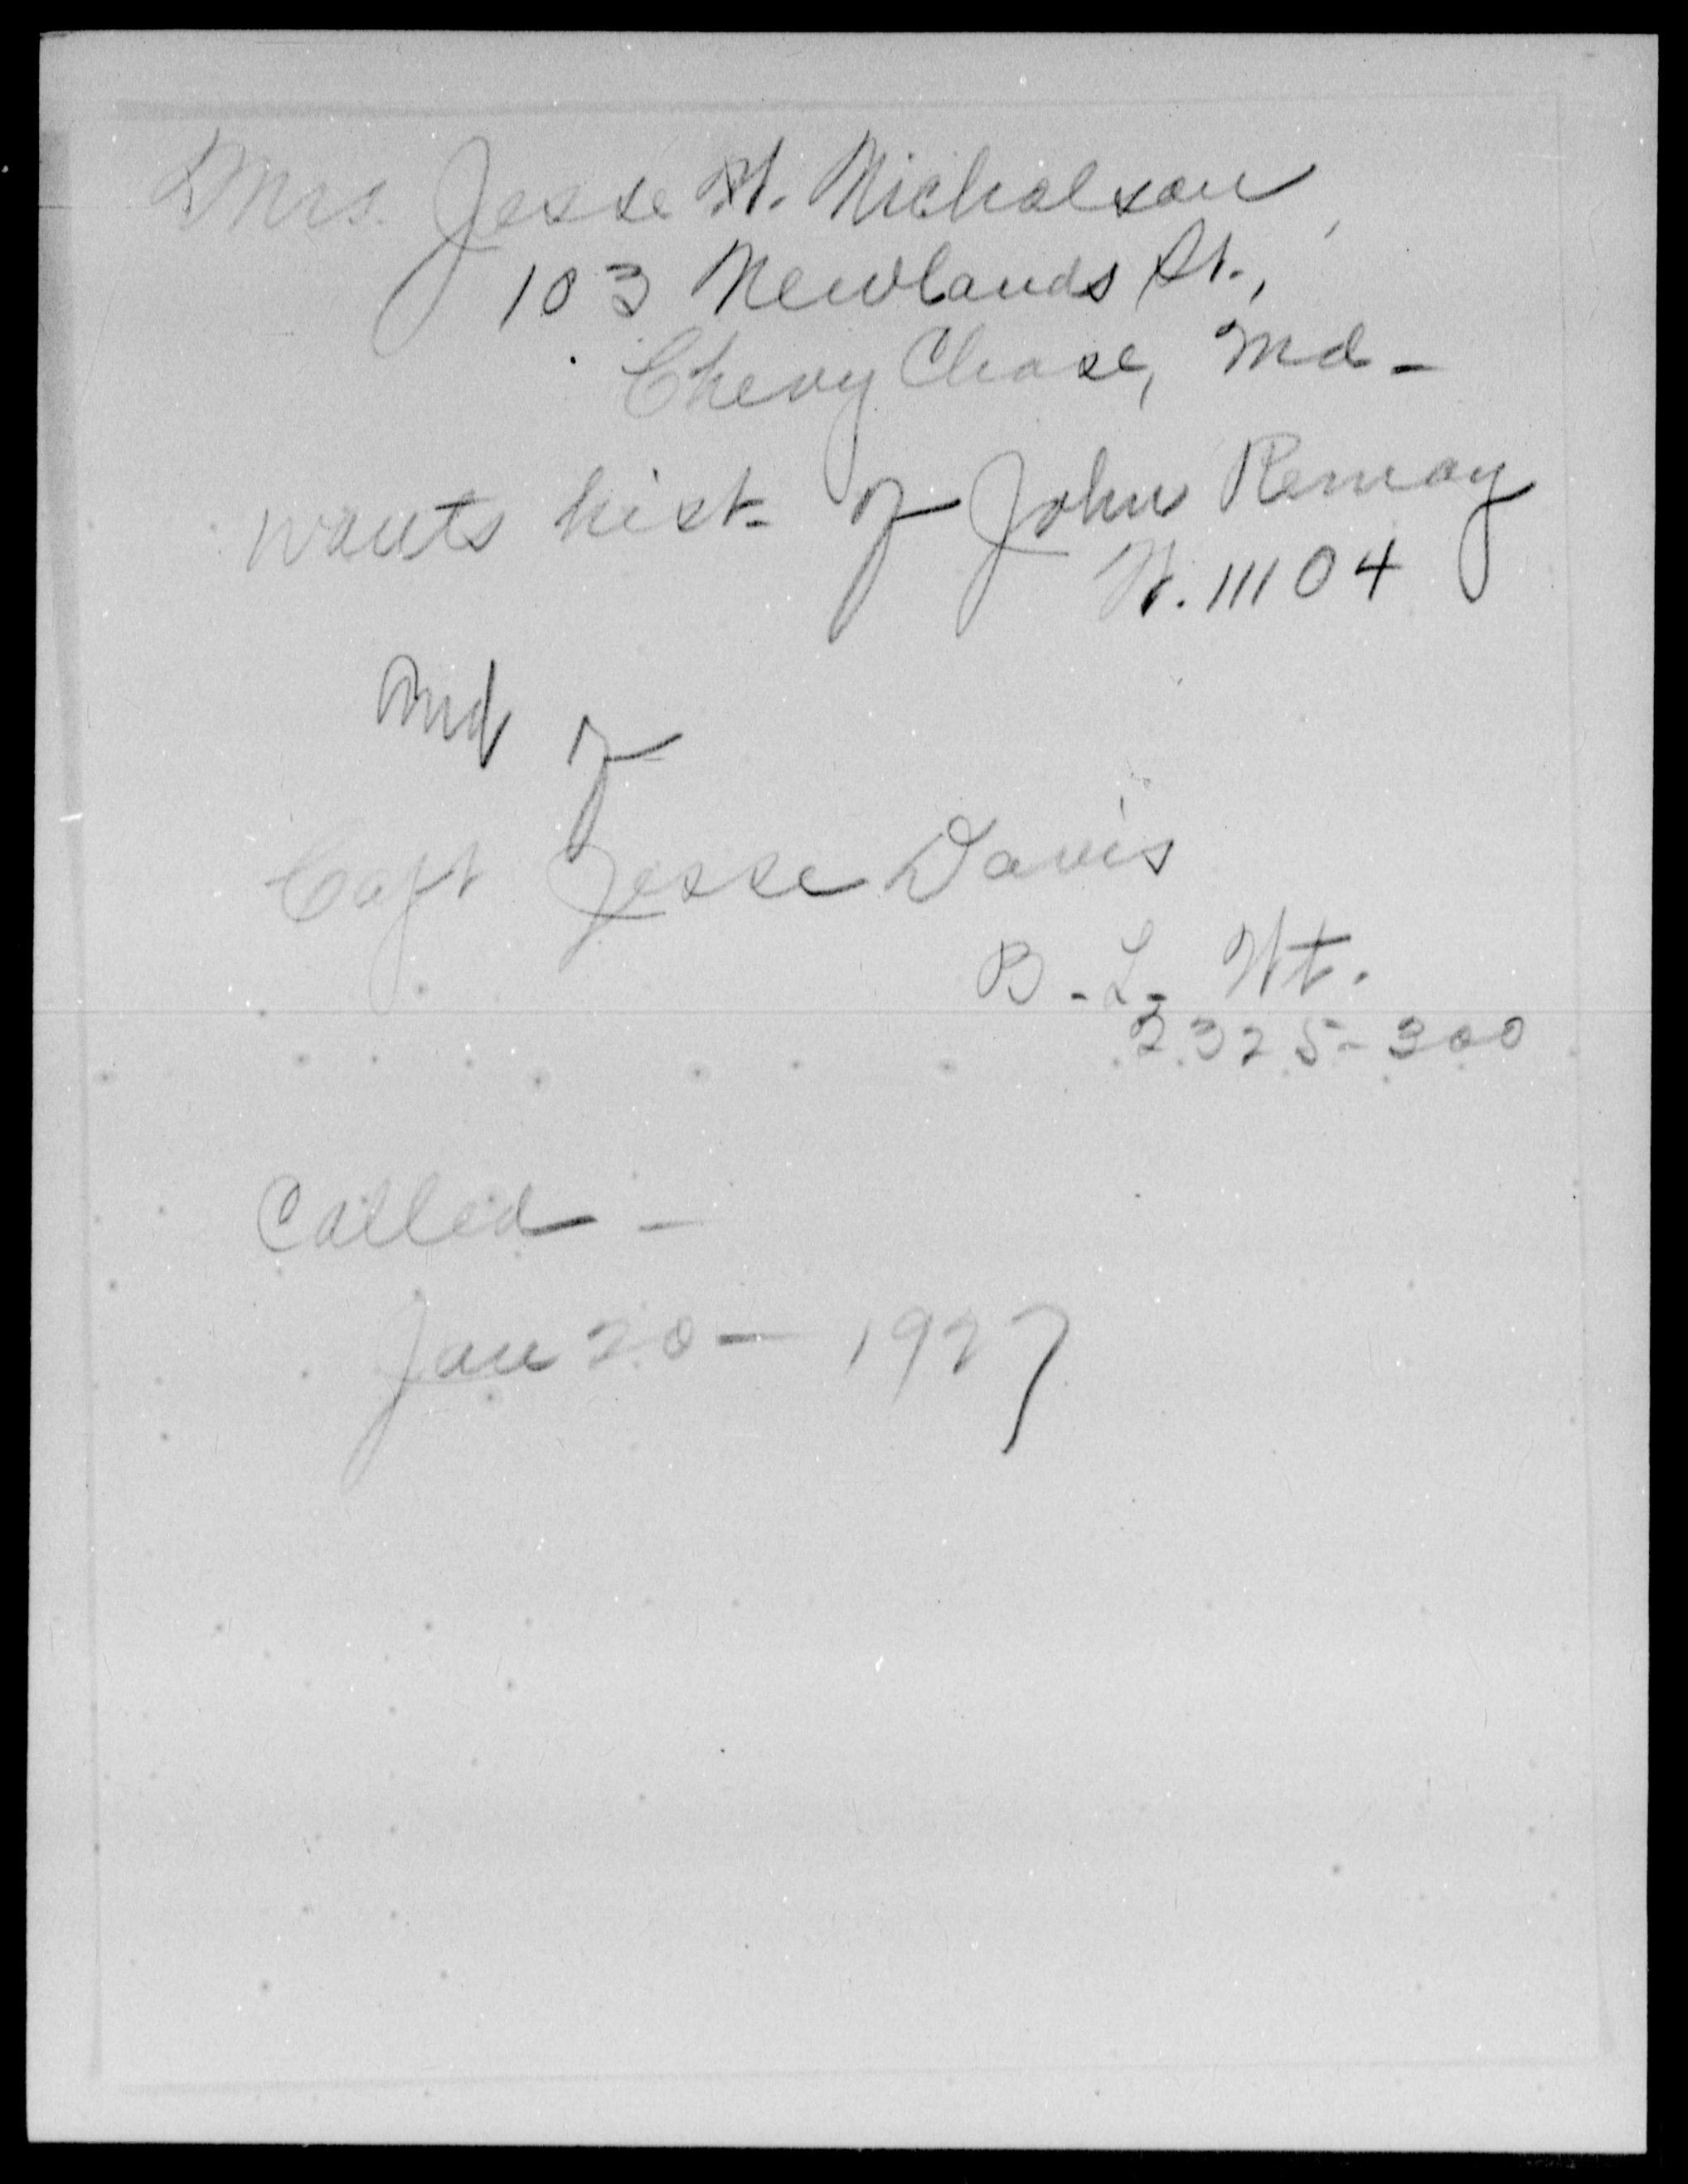Mrs. Jesse H. Nicholson
103 Newlands St.
Cherry Clease, Md.
wants hist. of
John Remay
N. 11104
and of
Capt
Jesse Davis
B. L.
Wt.
2325 - 300
called
Jan 20. 1927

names: John Remay; Jesse Davis; Jesse W Nicholson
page: 56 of 84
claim: widow's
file: W.11104, for John Remay, Virginia